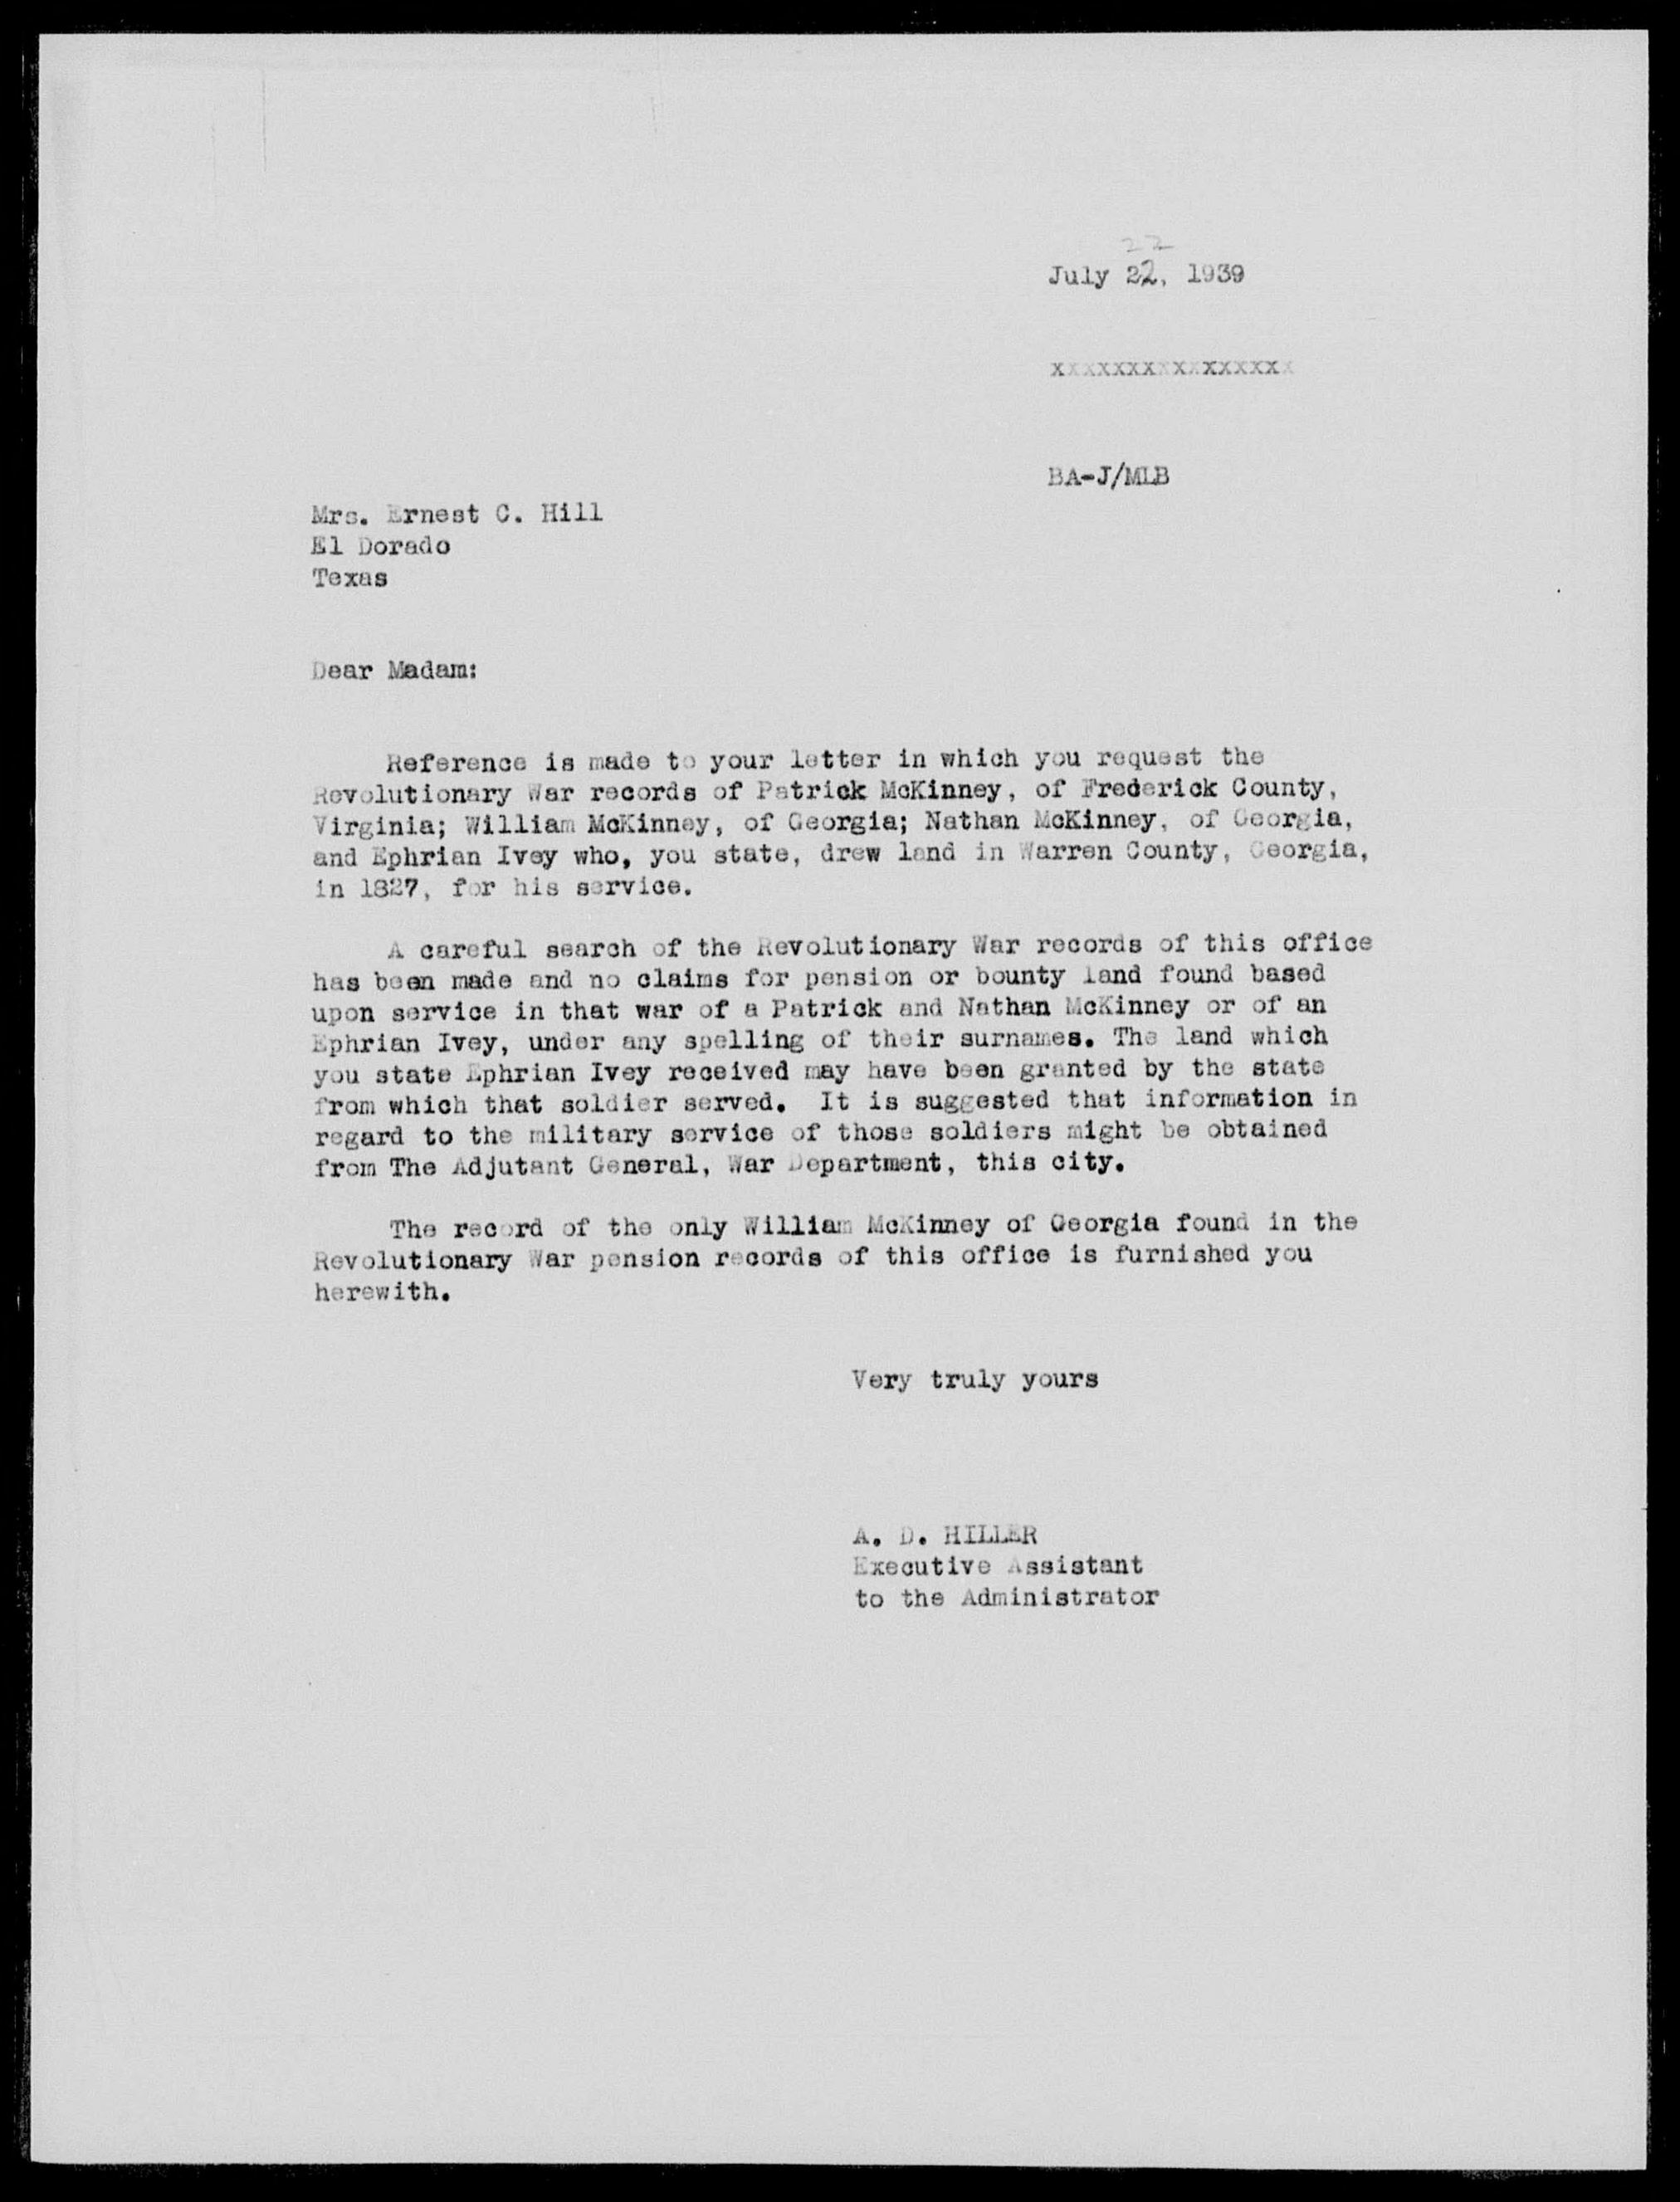July 22, 1939
Ba-J/MLB

Mrs. Ernest C. Hill
El Dorado
Texas

Dear Madam:
Reference is made to your letter in which you request the Revolutionary War records of Patrick McKinney, of Frederick County, Virginia; William McKinney, of Georgia; Nathan McKinney, of Georgia, and Ephrian Ivey who, you state, drew land in Warren County, Georgia, in 1827, for his service.

A careful search of the Revolutionary War records of this office has been made and no claims for pension or bounty land found based upon service in that war of a Patrick and Nathan McKinney or of an Ephrian Ivey, under any spelling of their surnames. The land which you state Ephrian Ivey received may have been granted by the state from which that soldier served. It is suggested that information in regard to the military service of those soldiers might be obtained from The Adjutant General, War Department, this city.

The record of the only William McKinney of Georgia found in the Revolutionary War pension records of this office is furnished you herewith.

Very truly yours

A.D. HILLER
Executive Assistant
to the Administrator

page: 19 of 28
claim: survivor's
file: S. 16,470, for William Mc Kinney, Georgia